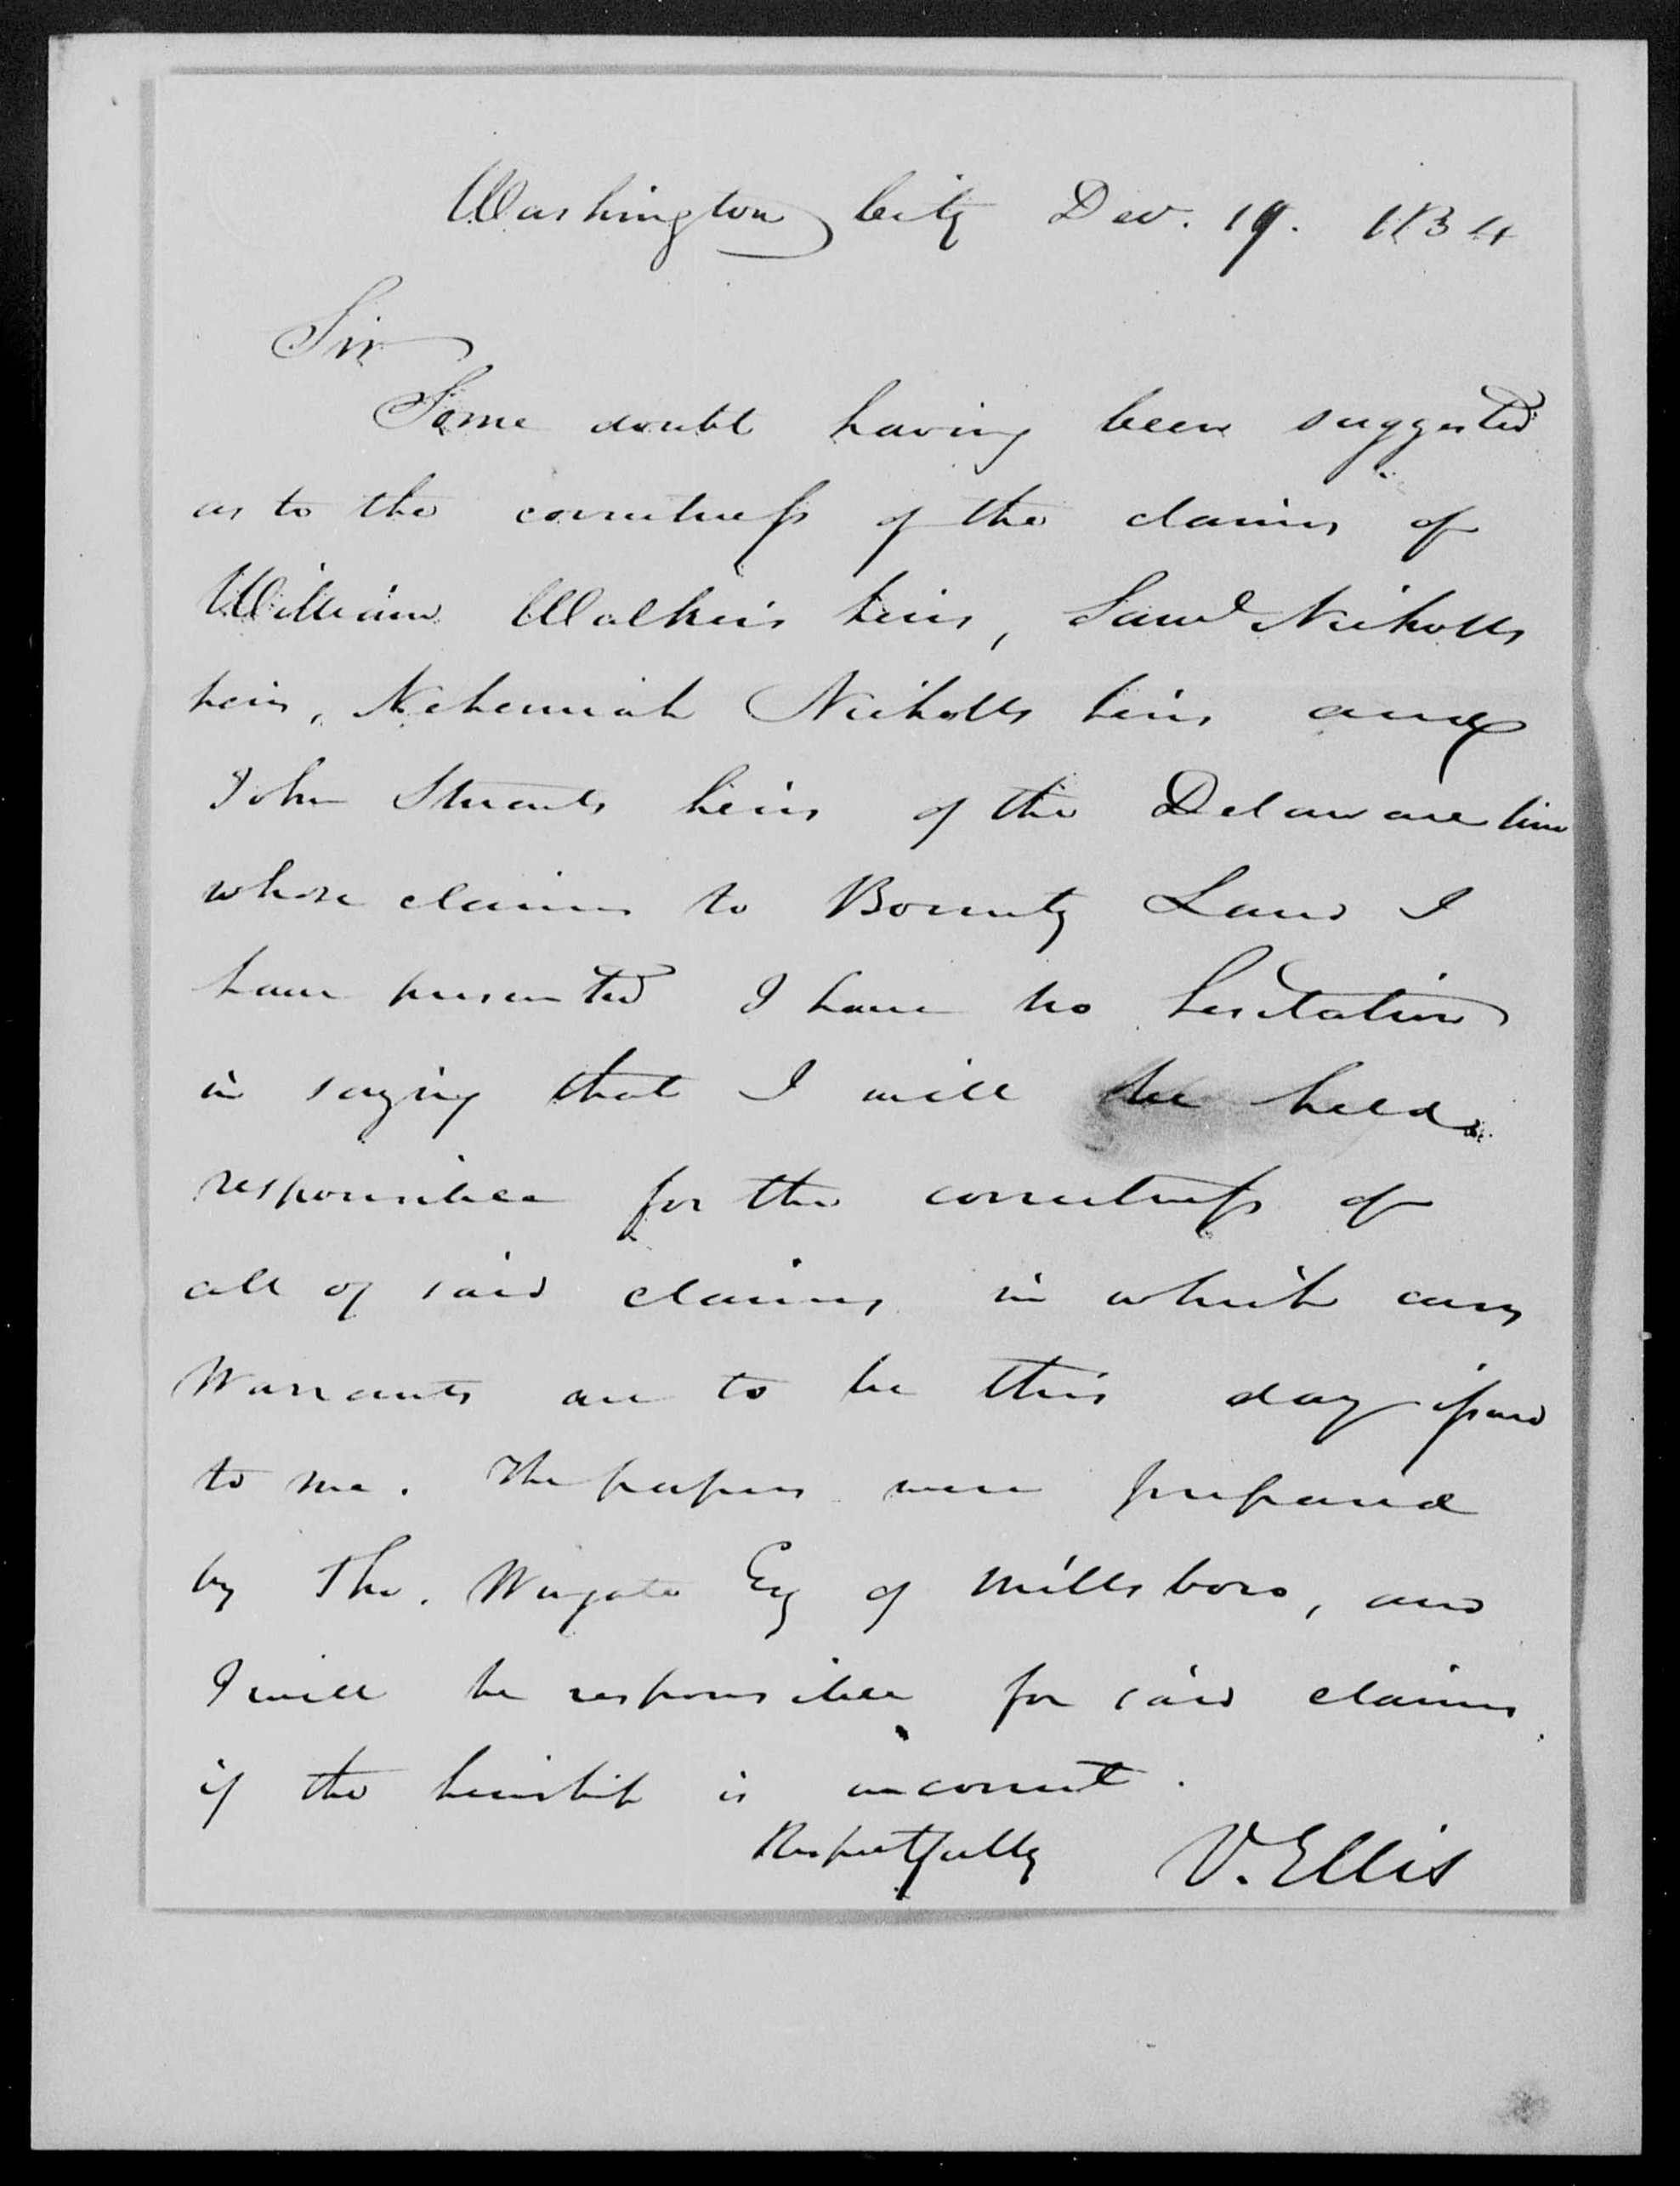[handwritten]

Washington City Dec. 19. 1834
Sir
Some doubt having been suggested
as to the correctness of the claims of
William Walker's heirs, Saml Nicholls
heirs, Nehemiah Nicholls heirs and
John Stuarts heirs of the Delaware line
whose claims to Bounty Land I
have presented I have no hesitation
in saying that I will be held responsible
for the correctness of all of said claims
in which case Warrants are to be this day
paid to me.  The papers were prepared
by Tho. Wingate Esqr of Millsboro, 
and I will be responsible for said claims
if the [?] is incorrect.
Respectfully
V. Ellis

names: V Ellis; William Walker; Saml Nicholls; Tho Wingate; Nehemiah Nicholls; John Stuart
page: 3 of 7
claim: bounty land warrant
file: B. L. Wt. 2078-100, for Samuel Nickolls, Delaware